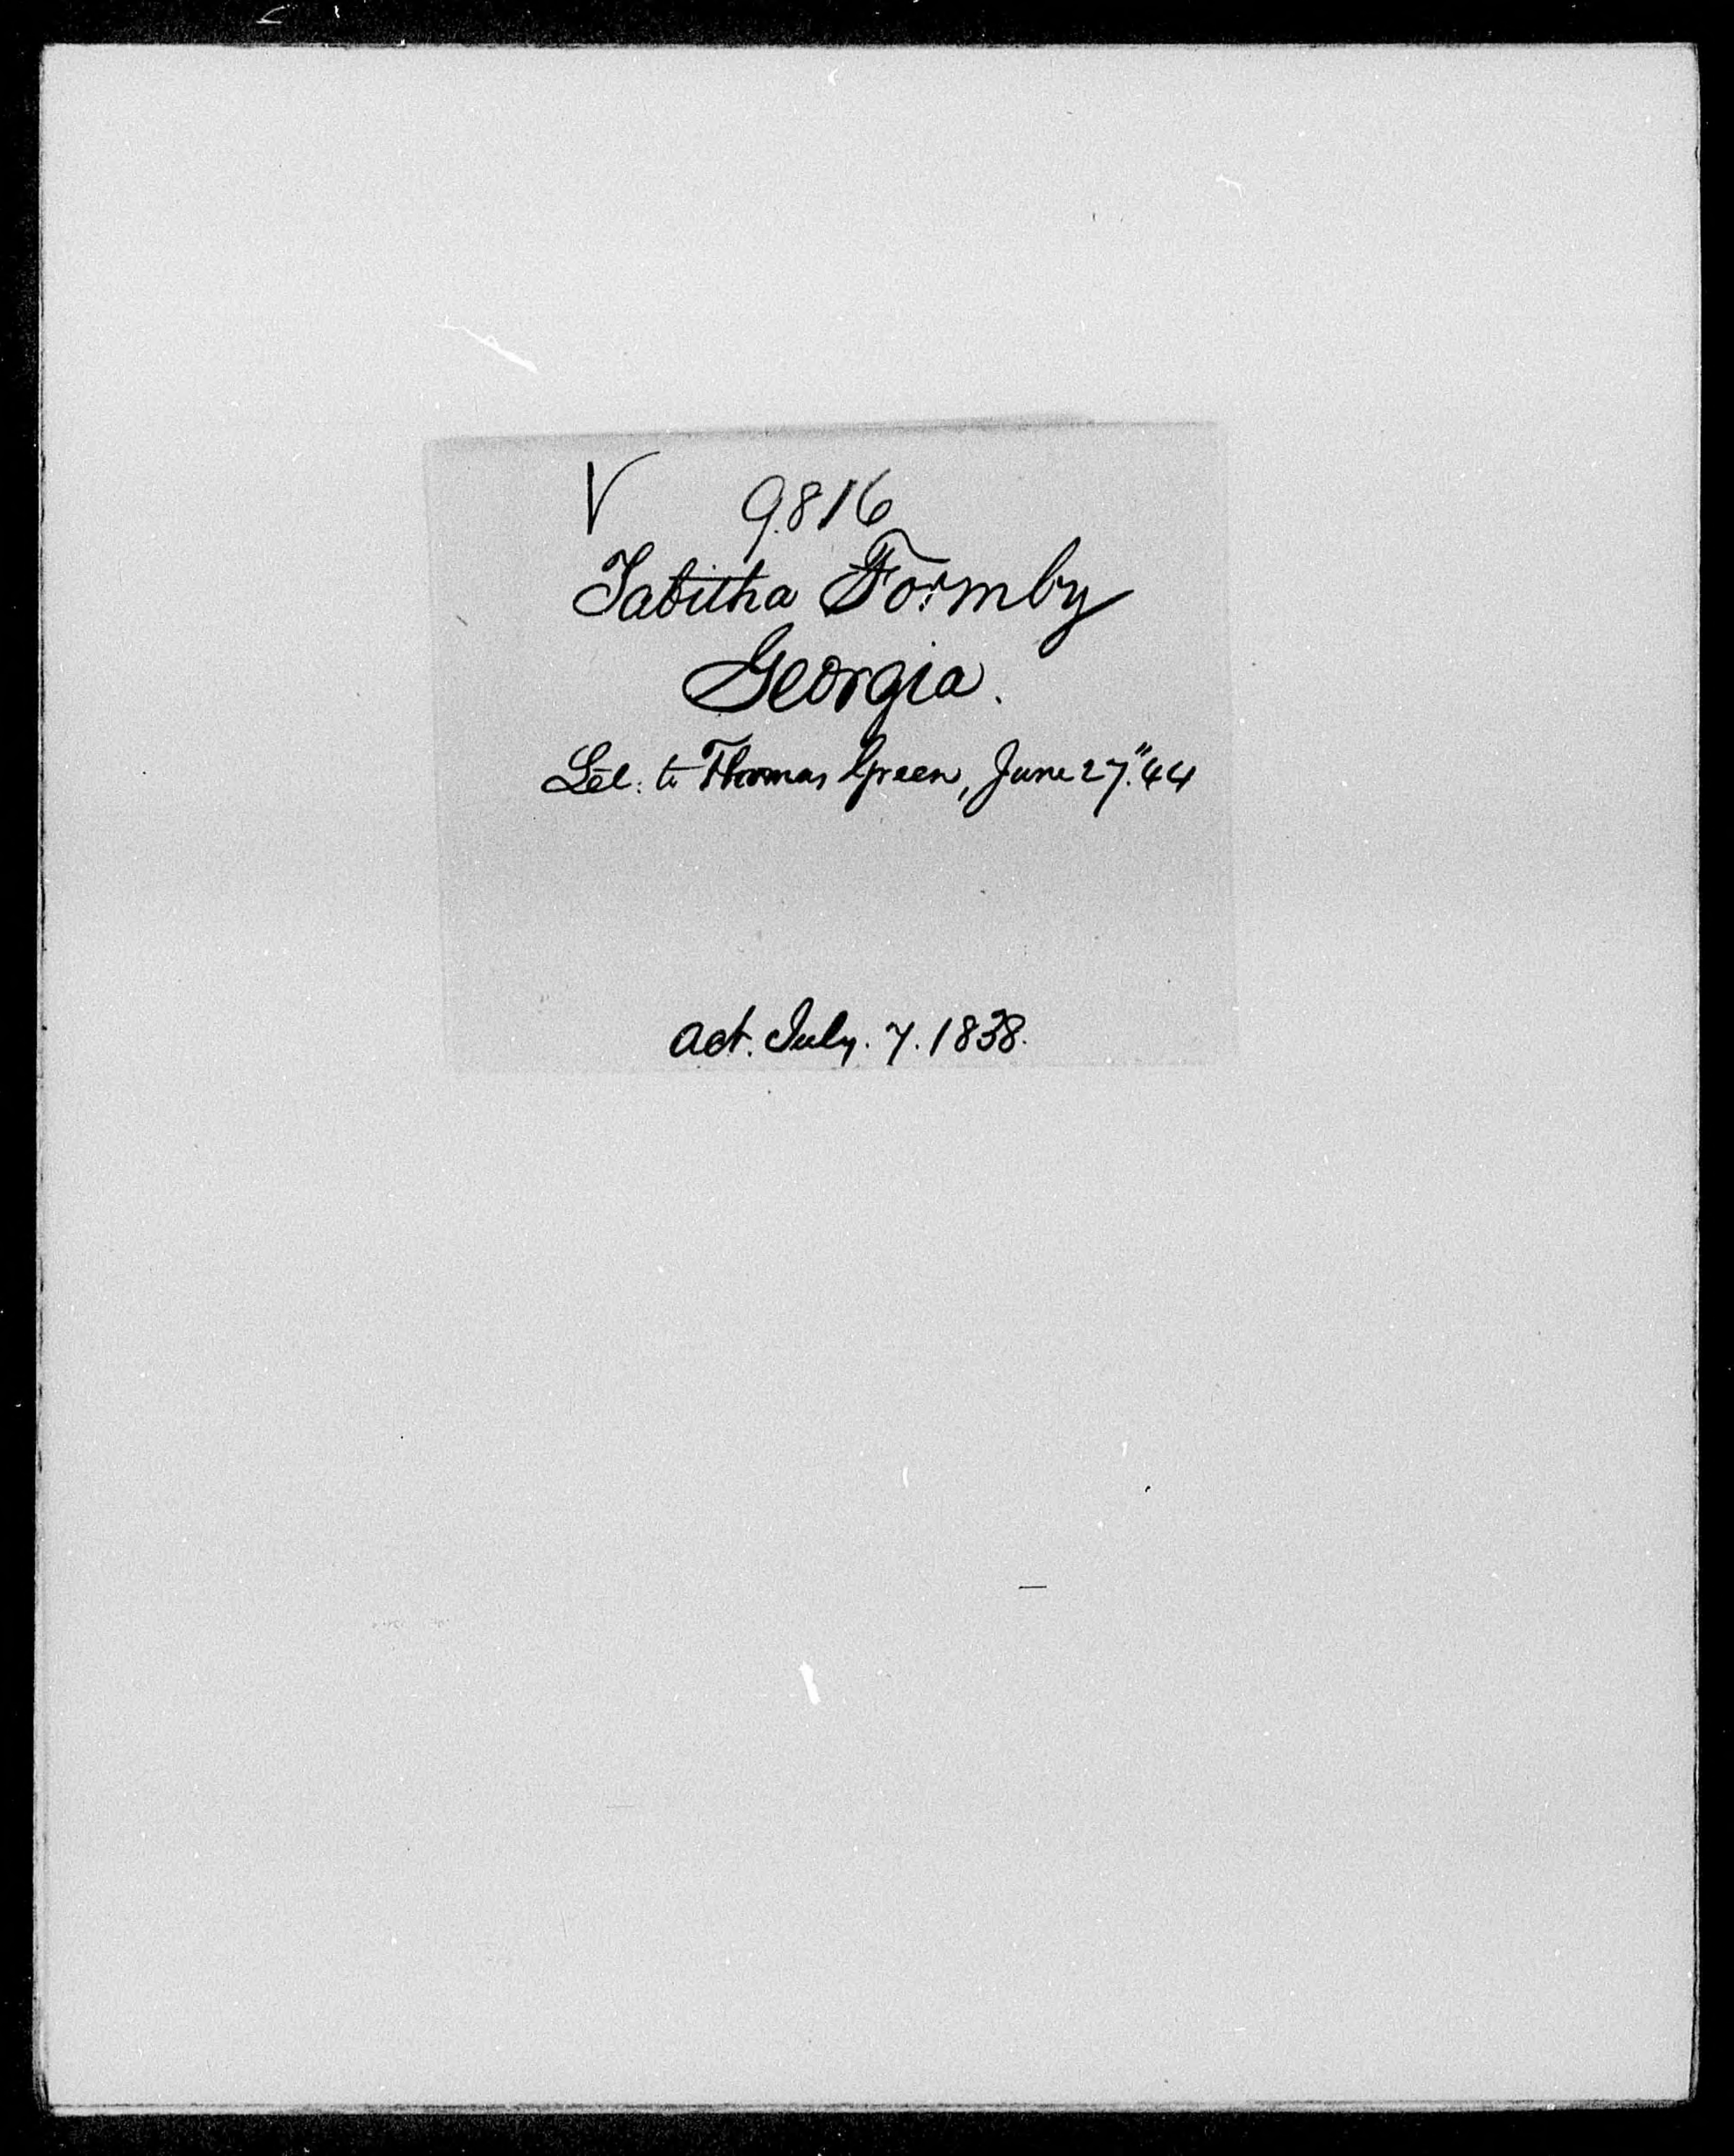V 9.816
Tabitha Formby
Georgia.
Let to Thomas Green, June 27. "44
Act. July. 7. 1838.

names: Tabitha Formby, Thomas Green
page: 26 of 54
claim: widow's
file: W. 3794, Nathan Formby, Va.